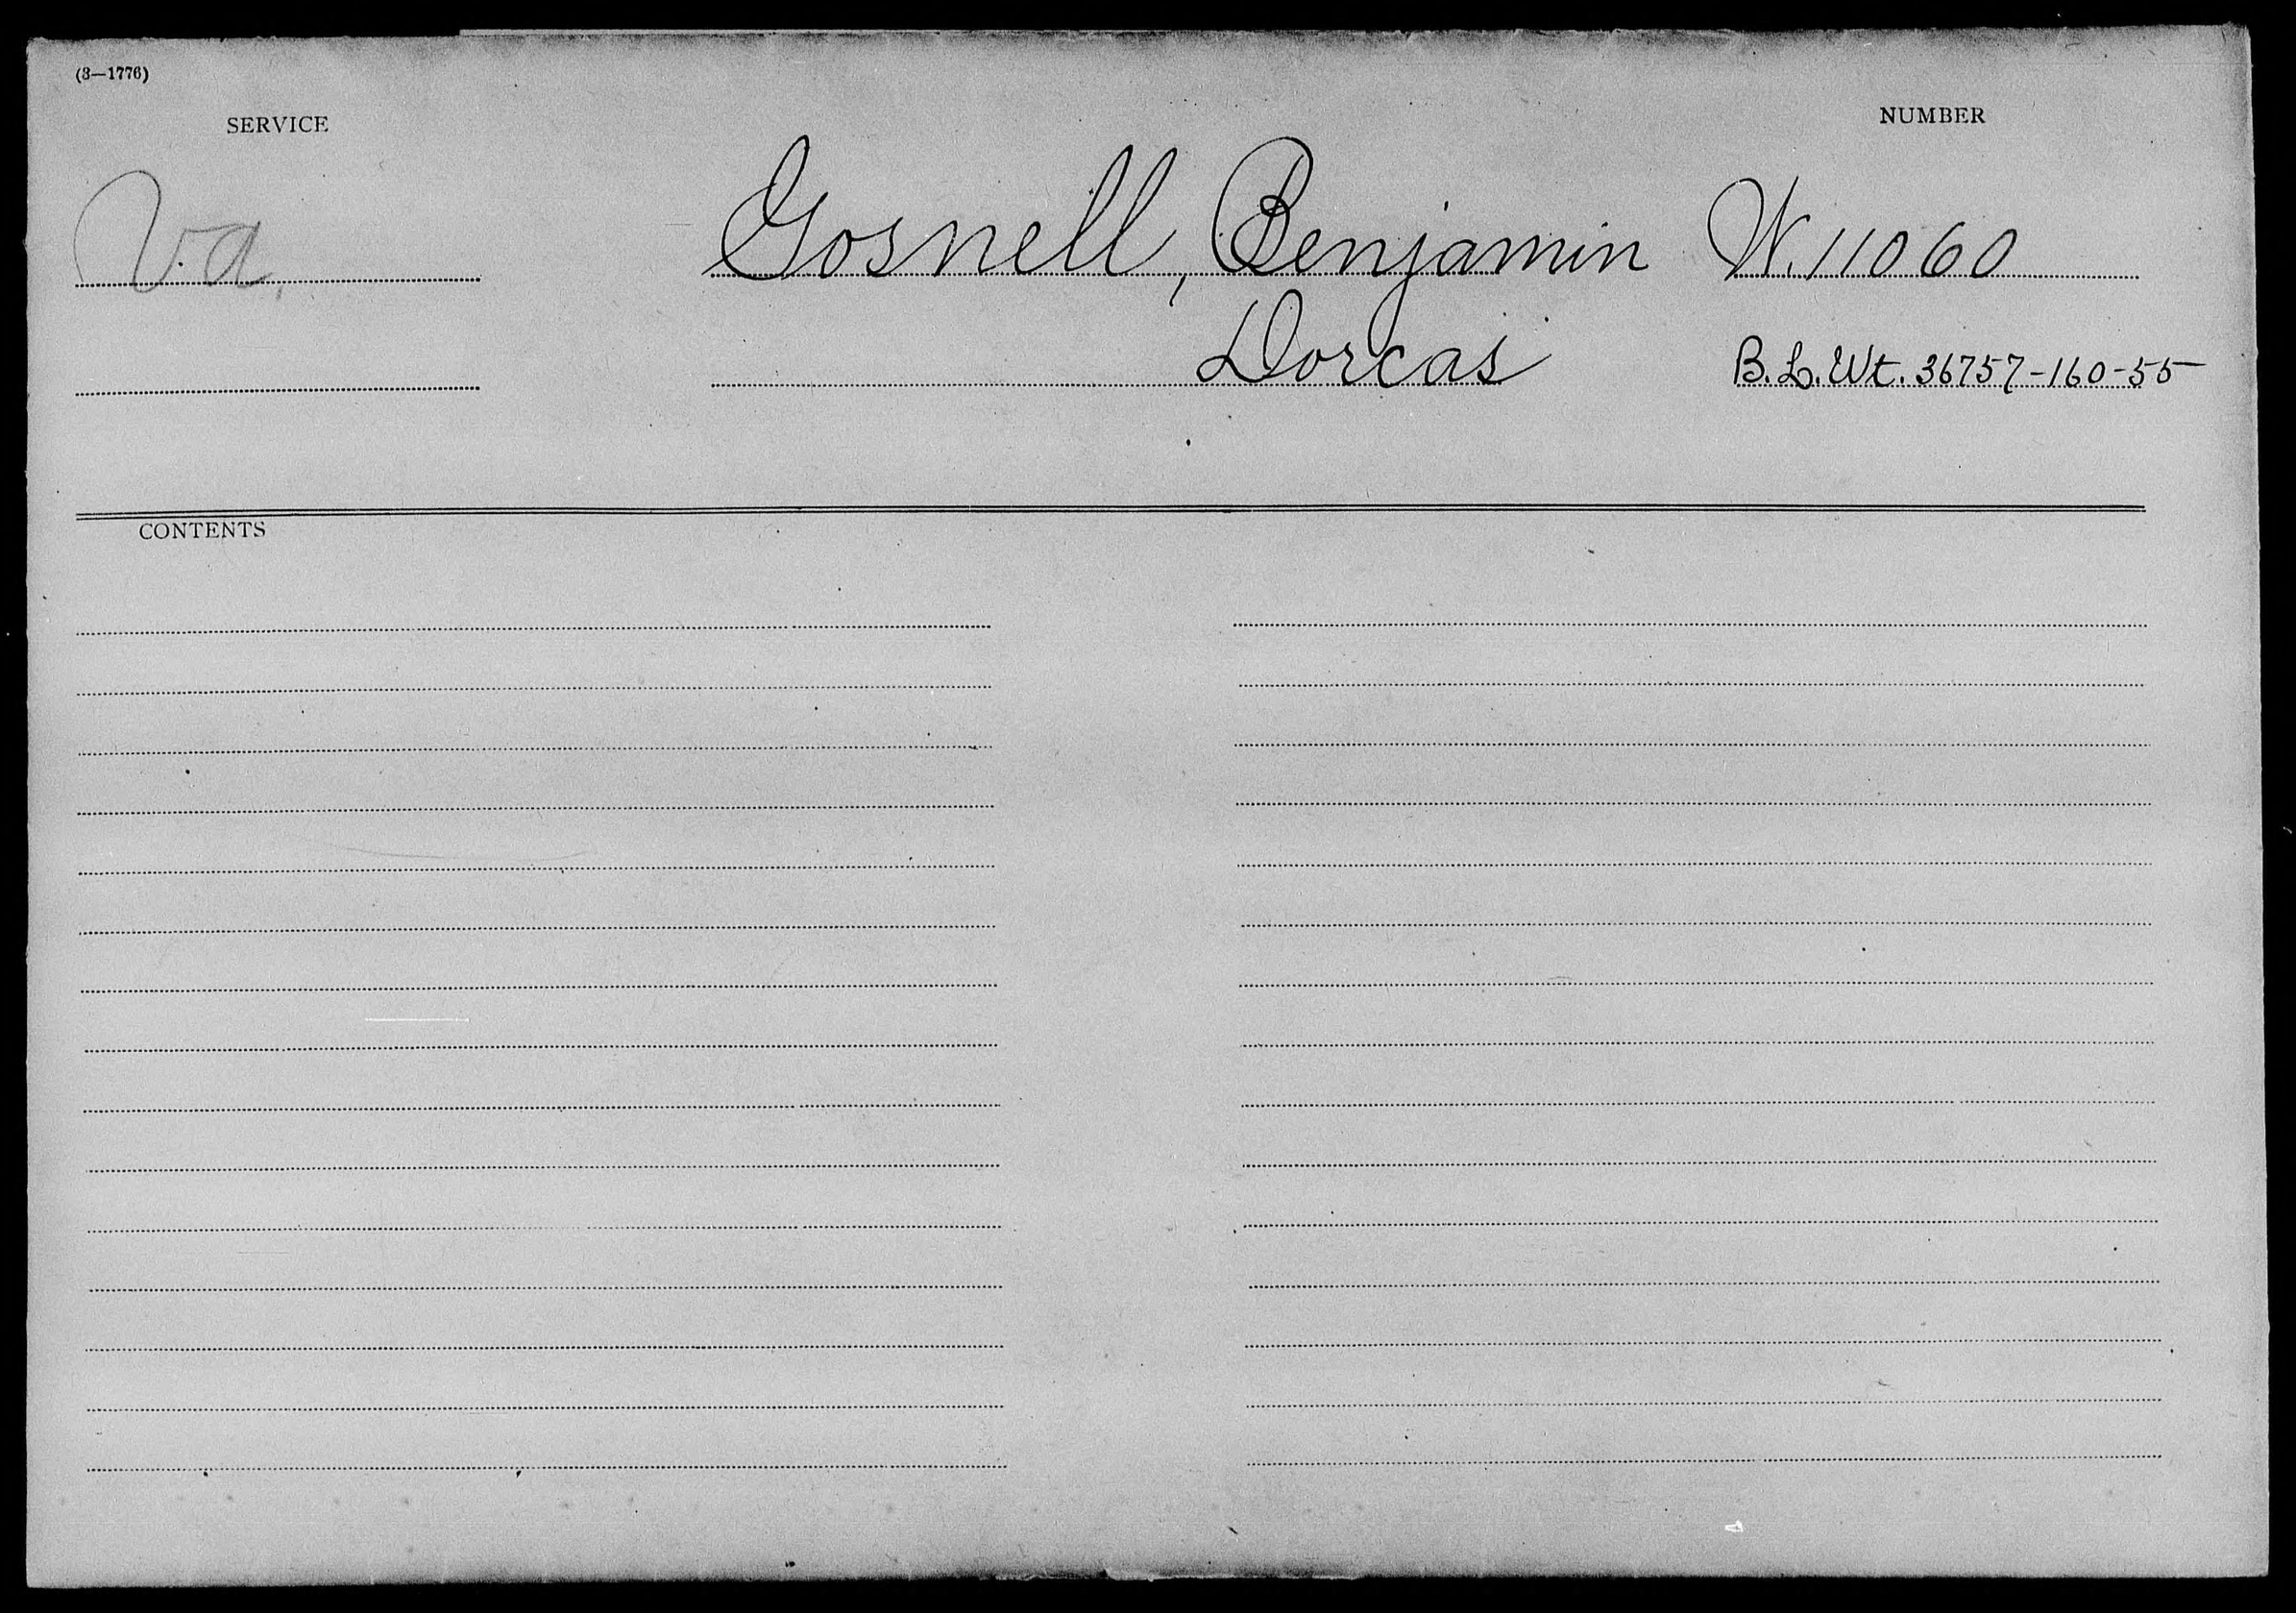Service                                            Number
VA                 Gosnell, Benjamin     W.11060
                                    Dorcas        B.L.Wt.36757-160-55

Contents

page: 1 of 39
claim: widow's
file: W. 11060, Benjamin Gosnell, Va.